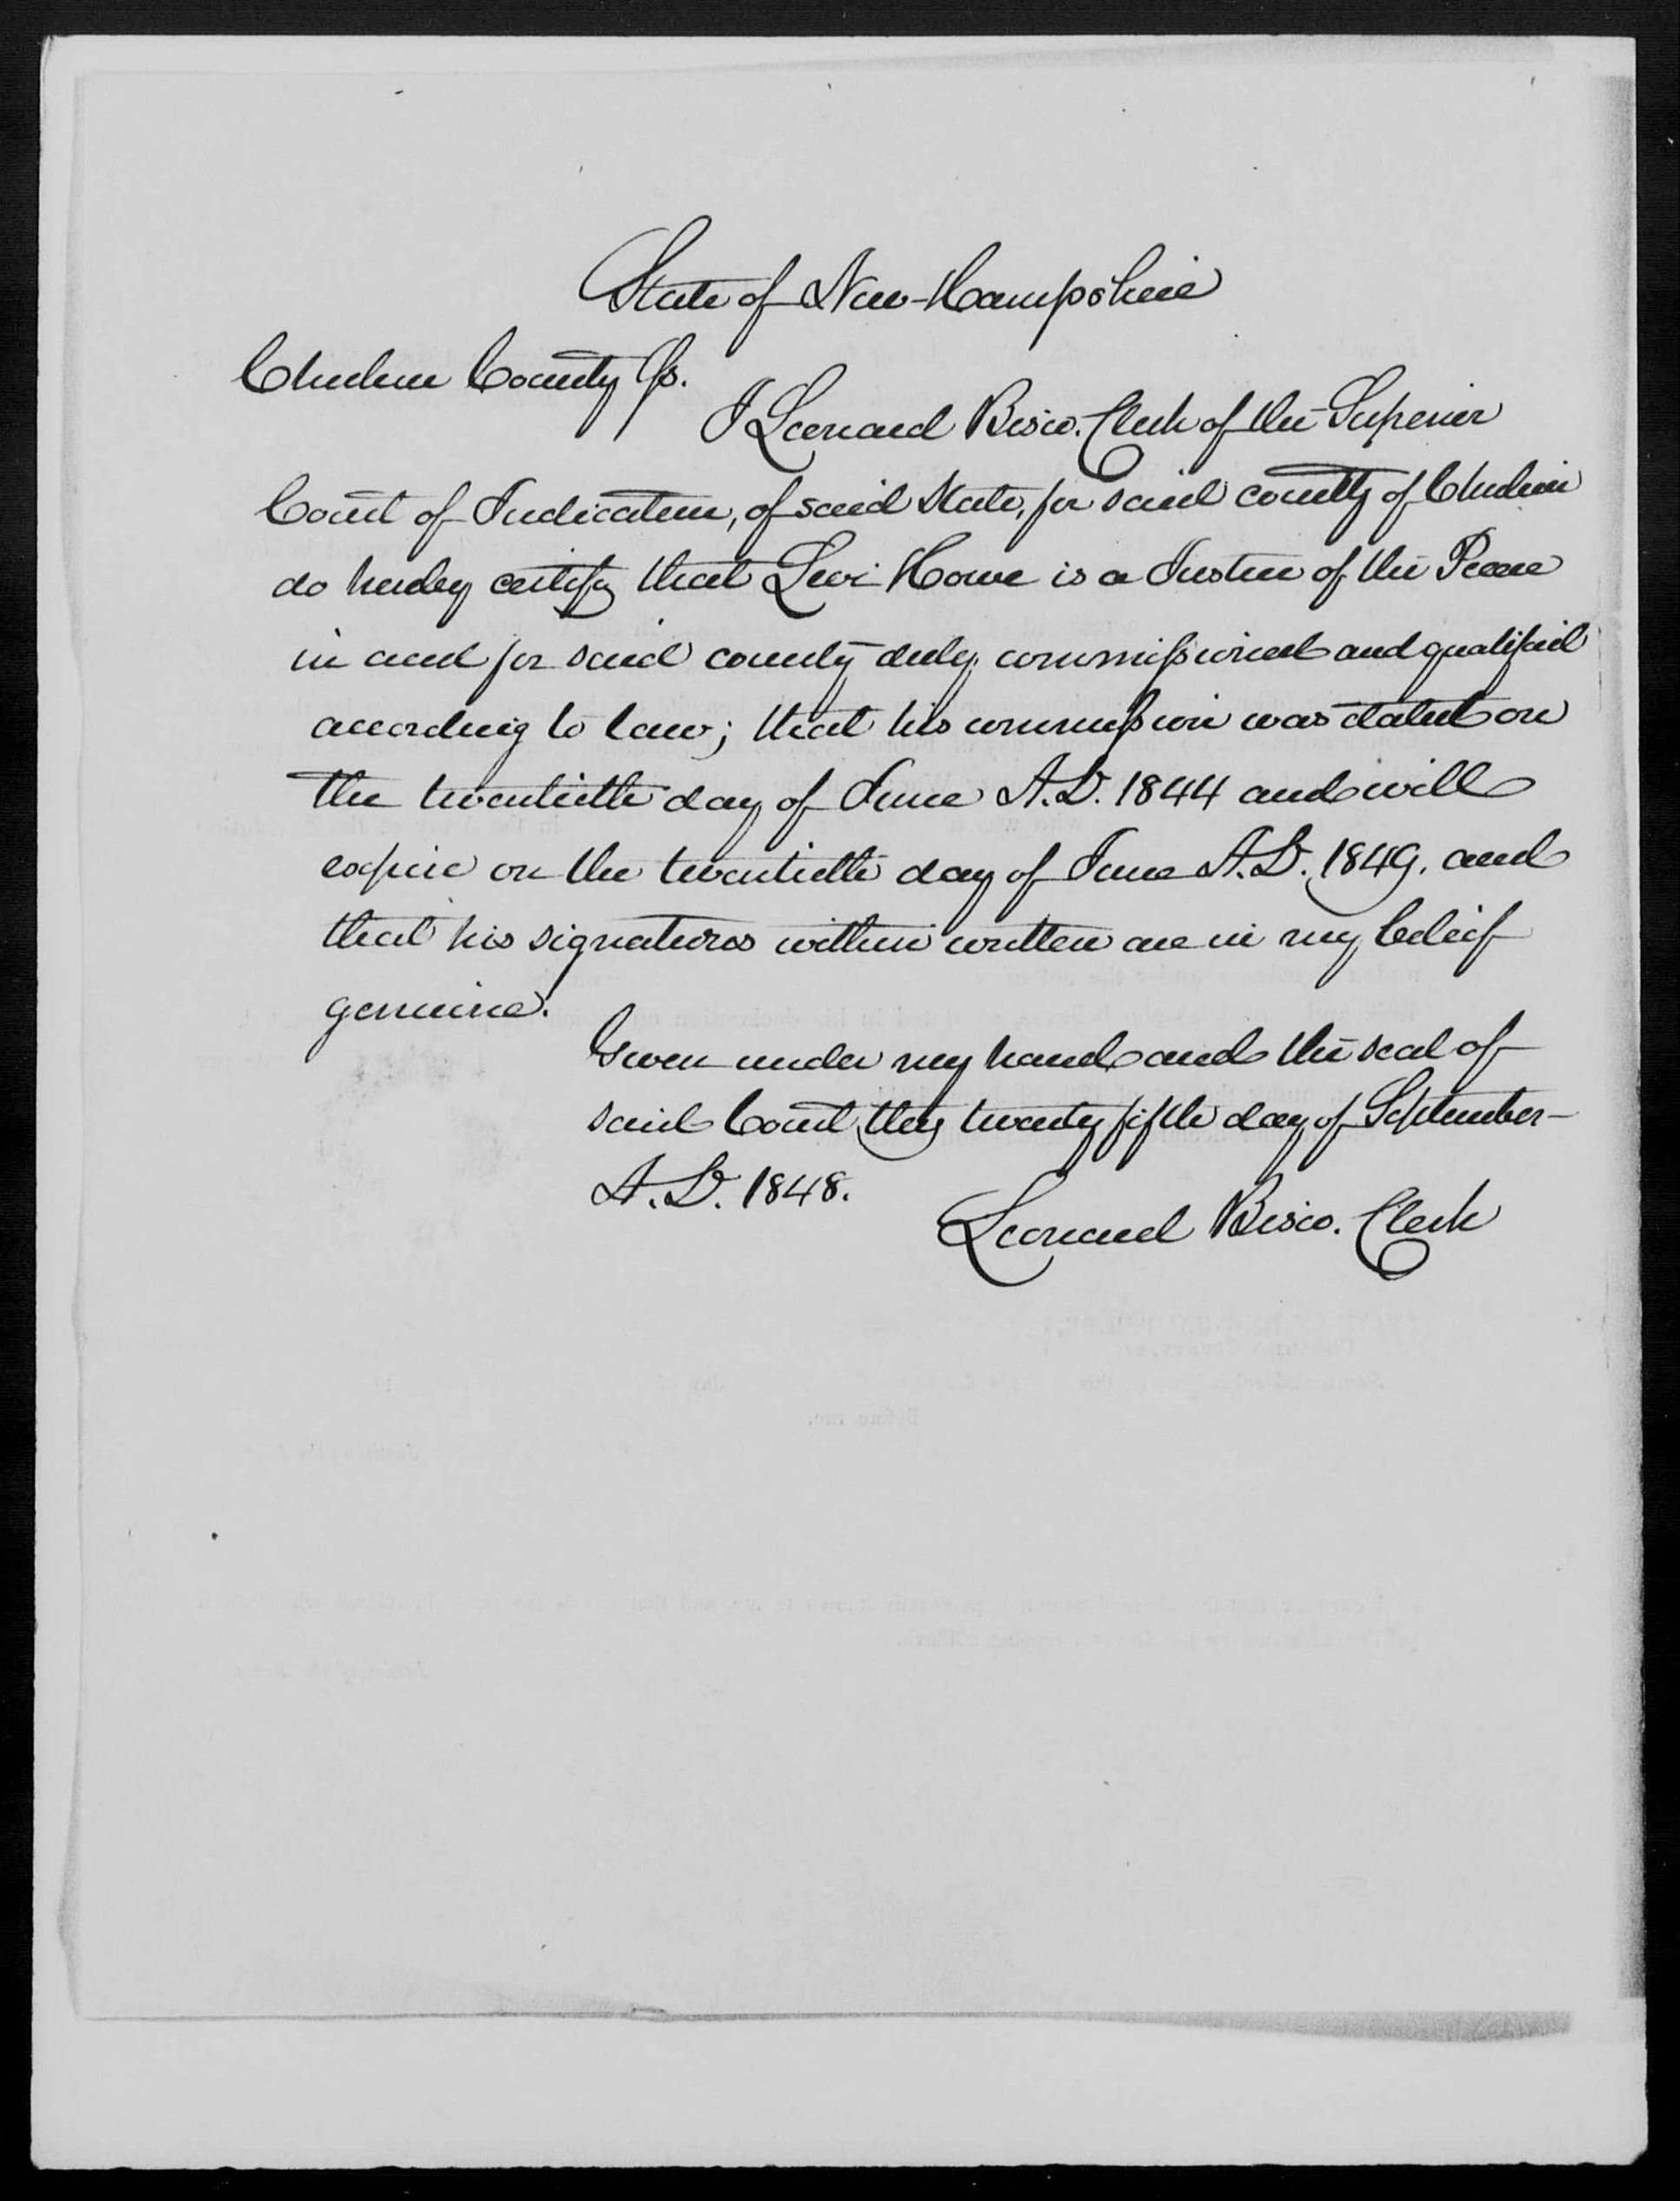State of New Hampshire
Cheshire County ss.
I Leonard Besio, Clerk of the Superior
Court of Judication, of said State, for said County of Cheshire
do hereby certify that Levi Howe is a Justice of the Peace
in and for said county duly commissioned and qualified
according to law; that his commission was dated on
the twentieth day of June A.D. 1844 and will
expire on the twentieth day of June A.D. 1849, and
that his signatures within written are in my belief
genuine.
Given under my hand and the seal of
said Court the twenty fifth day of September
A.D. 1848.
Leonard Besio. Clerk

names: Leonard Besio, Levi Howe, Leonard Besio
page: 38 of 42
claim: widow's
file: W. 23,652, Nehemiah Bowers, Mass.